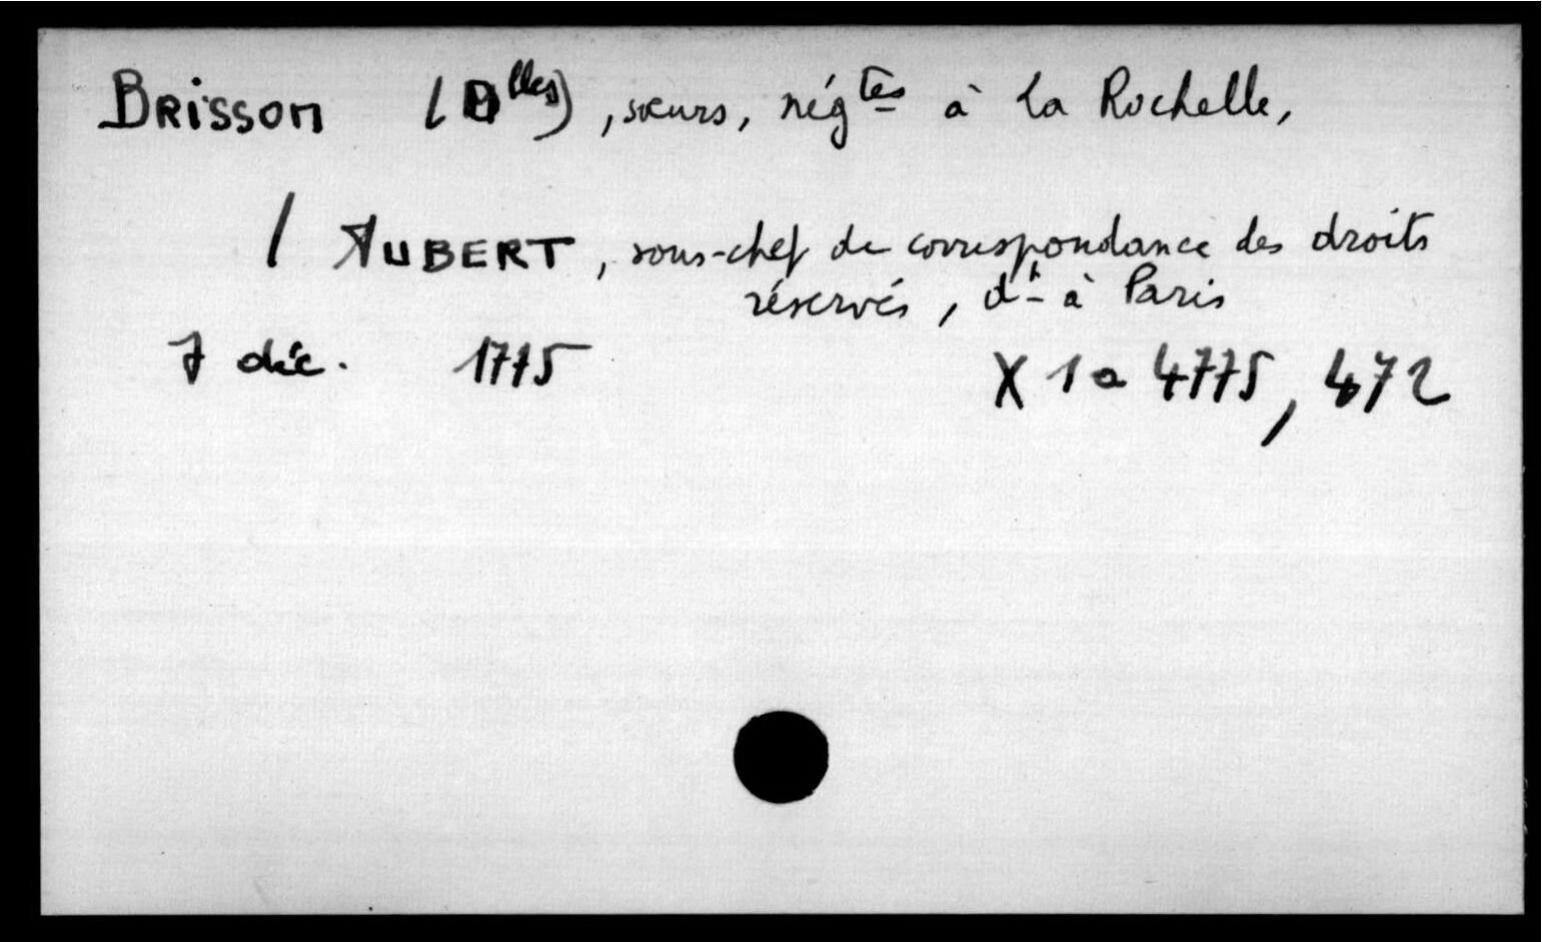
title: BRISSON (demoiselles), soeurs, négociantes à la Rochelle
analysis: Contre AUBERT, sous-chef de correspondance des droits réservés, demeurant à Paris
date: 7 décembre 1775
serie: X1a
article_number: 4775
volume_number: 472
